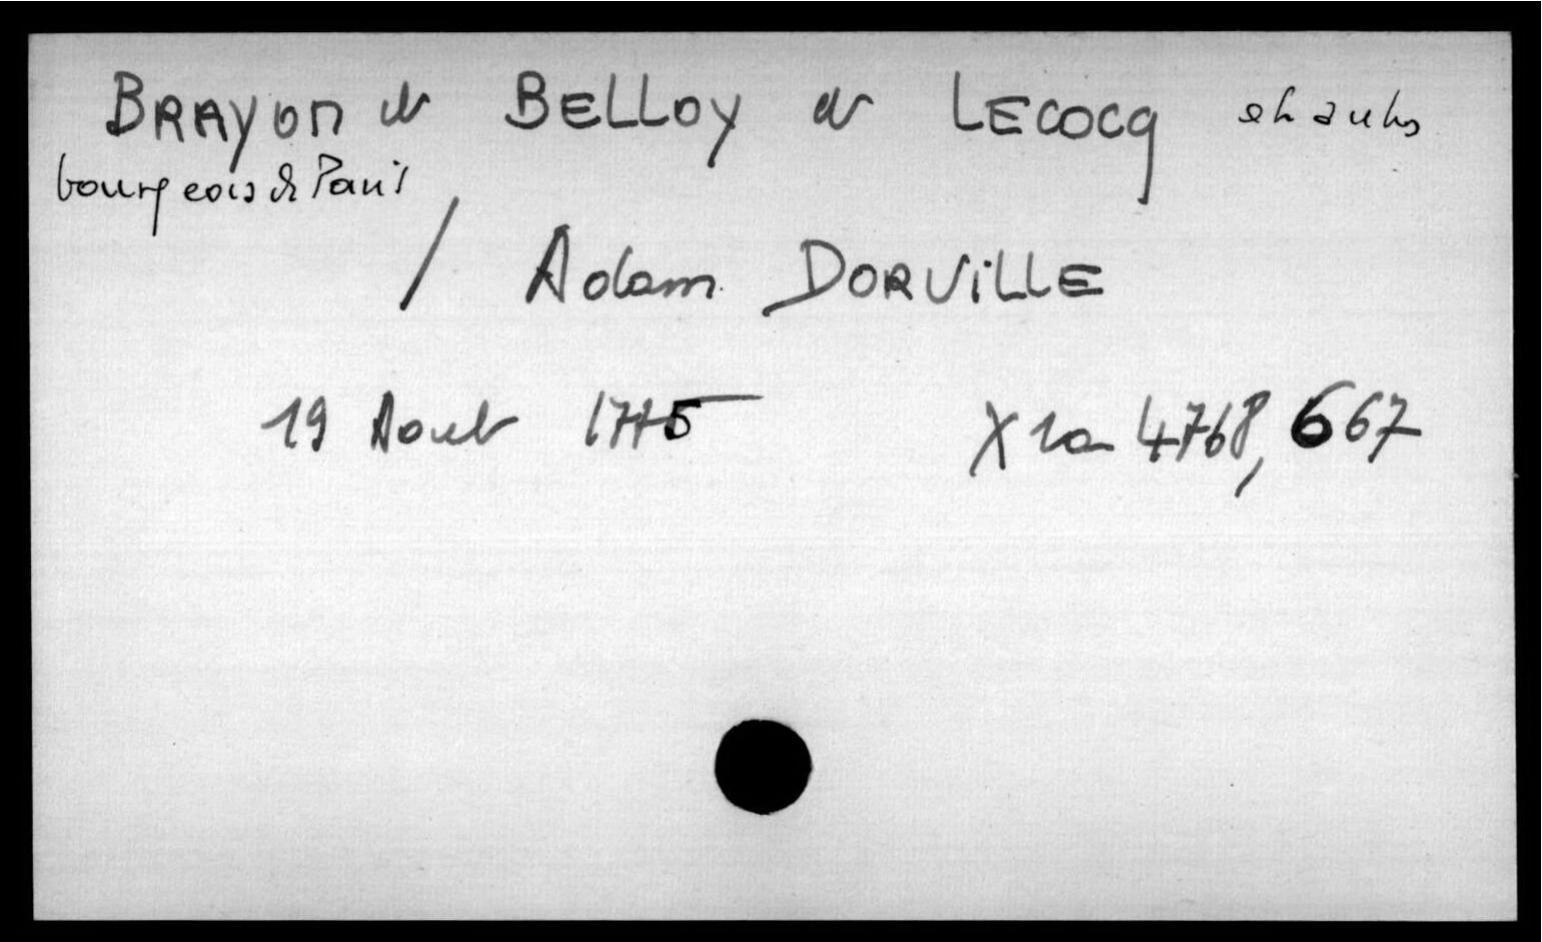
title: BRAYON et BELLOY et LECOCQ et autres bourgeois de Paris
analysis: Contre Adam DORVILLE
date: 19 août 1775
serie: X1a
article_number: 4768
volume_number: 667
